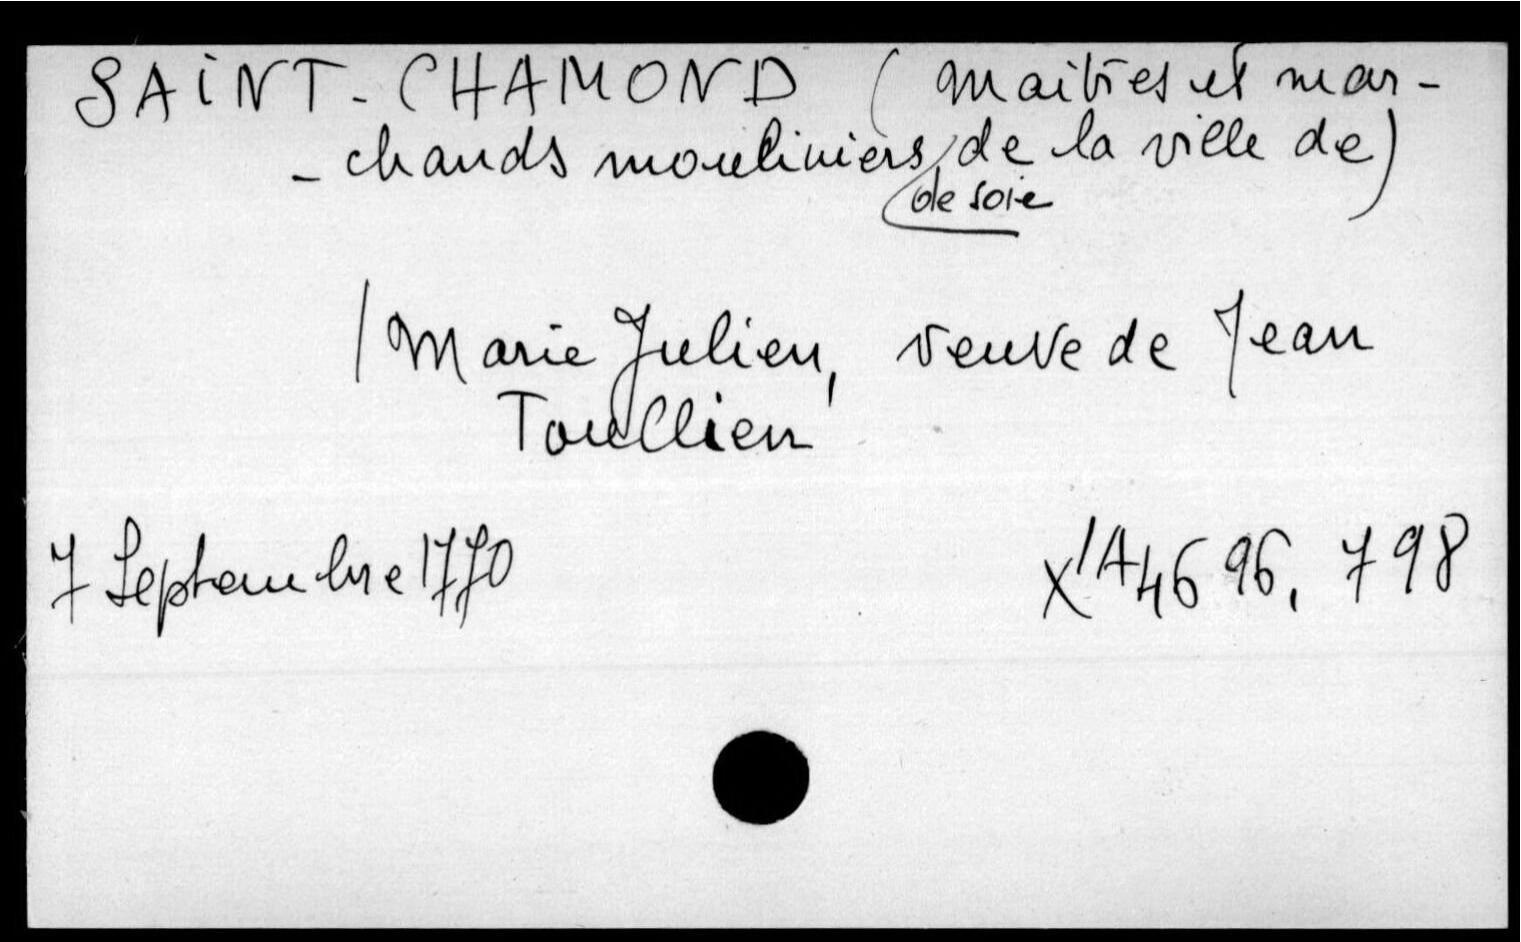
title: SAINT-CHAMOND (Maîtres et marchands mouliniers de soie de la ville de)
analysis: Contre Marie Julien, veuve de Jean Toullien
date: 7 septembre 1770
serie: X1A
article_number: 4696
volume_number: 798
